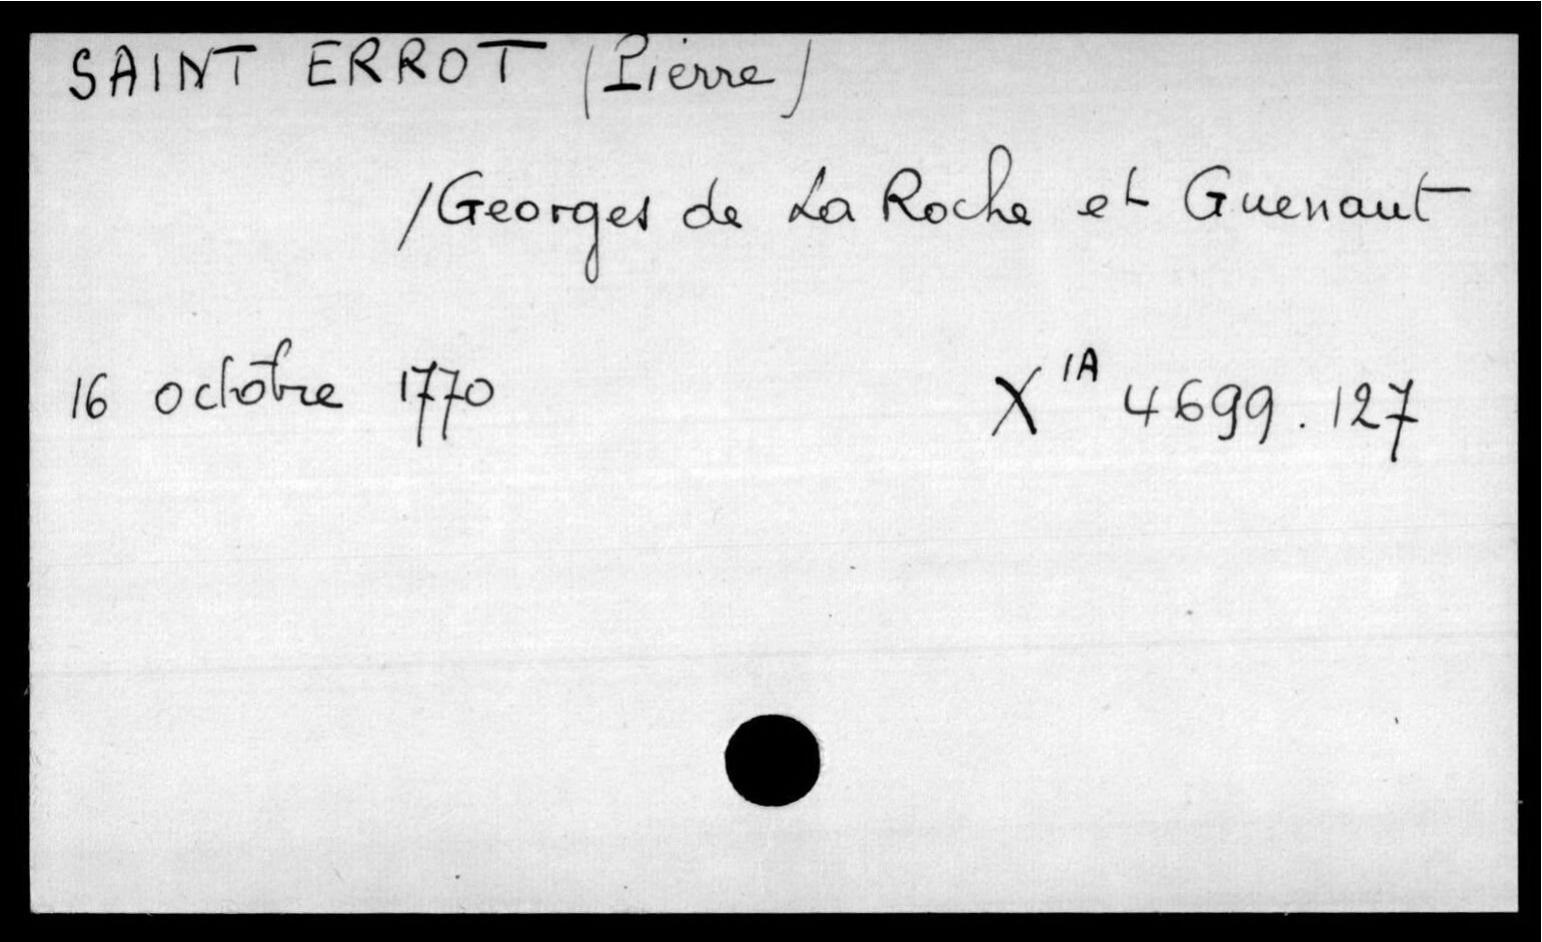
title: SAINT ERROT (Pierre)
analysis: Contre Georges de la Roche et Guenaut
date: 16 octobre 1770
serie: X1A
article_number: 4699
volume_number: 127
